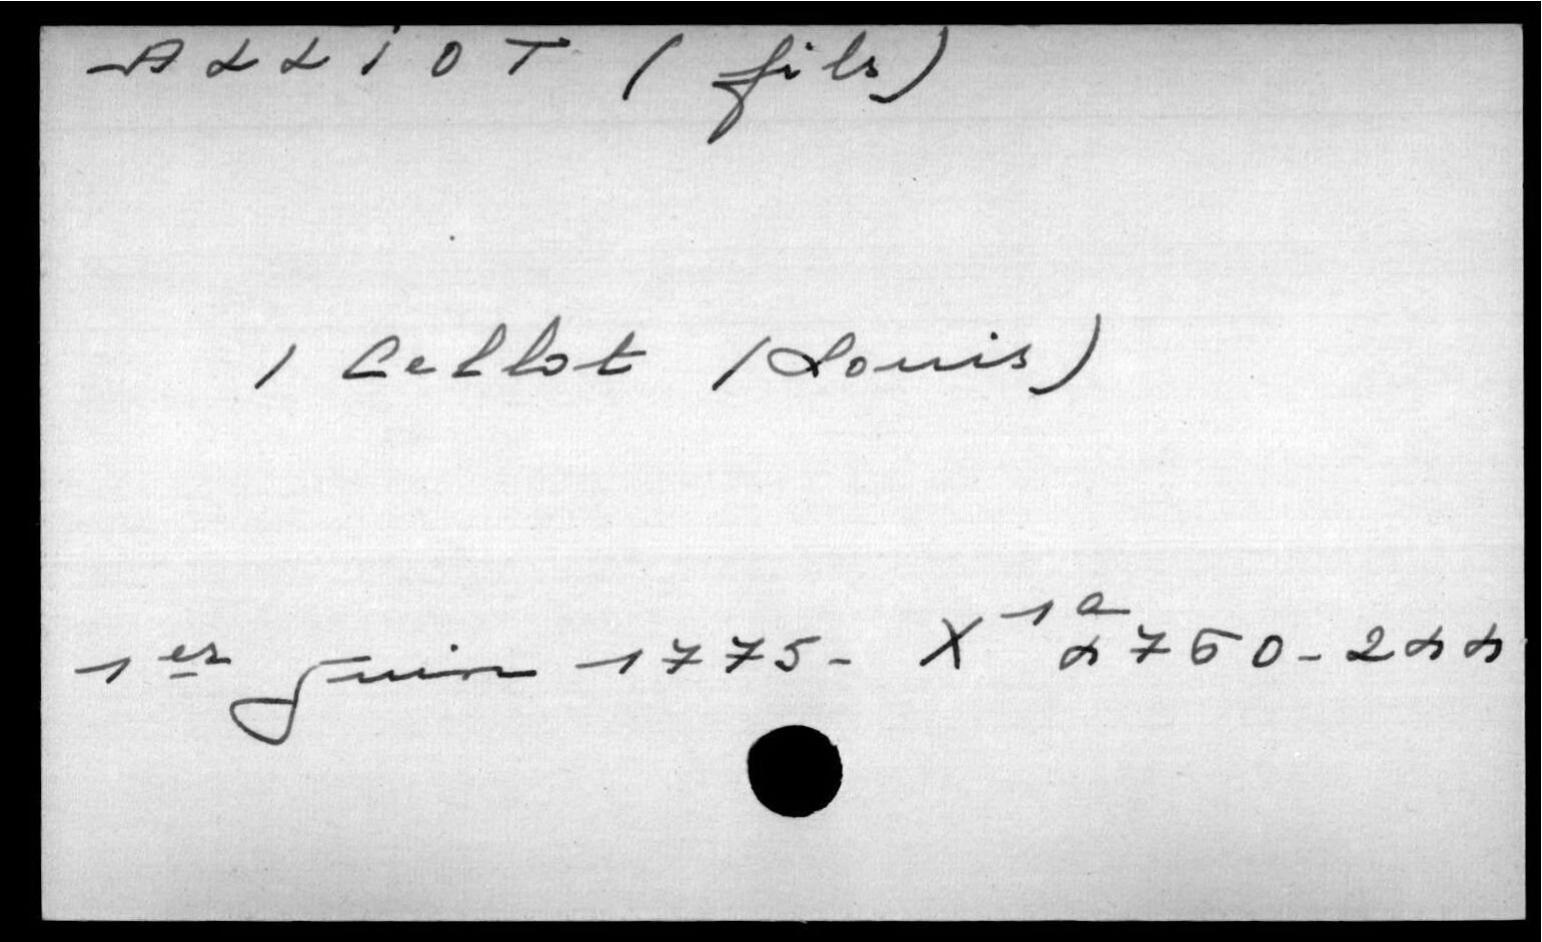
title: ALLIIOT (fils)
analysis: Contre Cellot (Louis)
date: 1 juin 1775
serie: X1a
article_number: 4760
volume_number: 244
